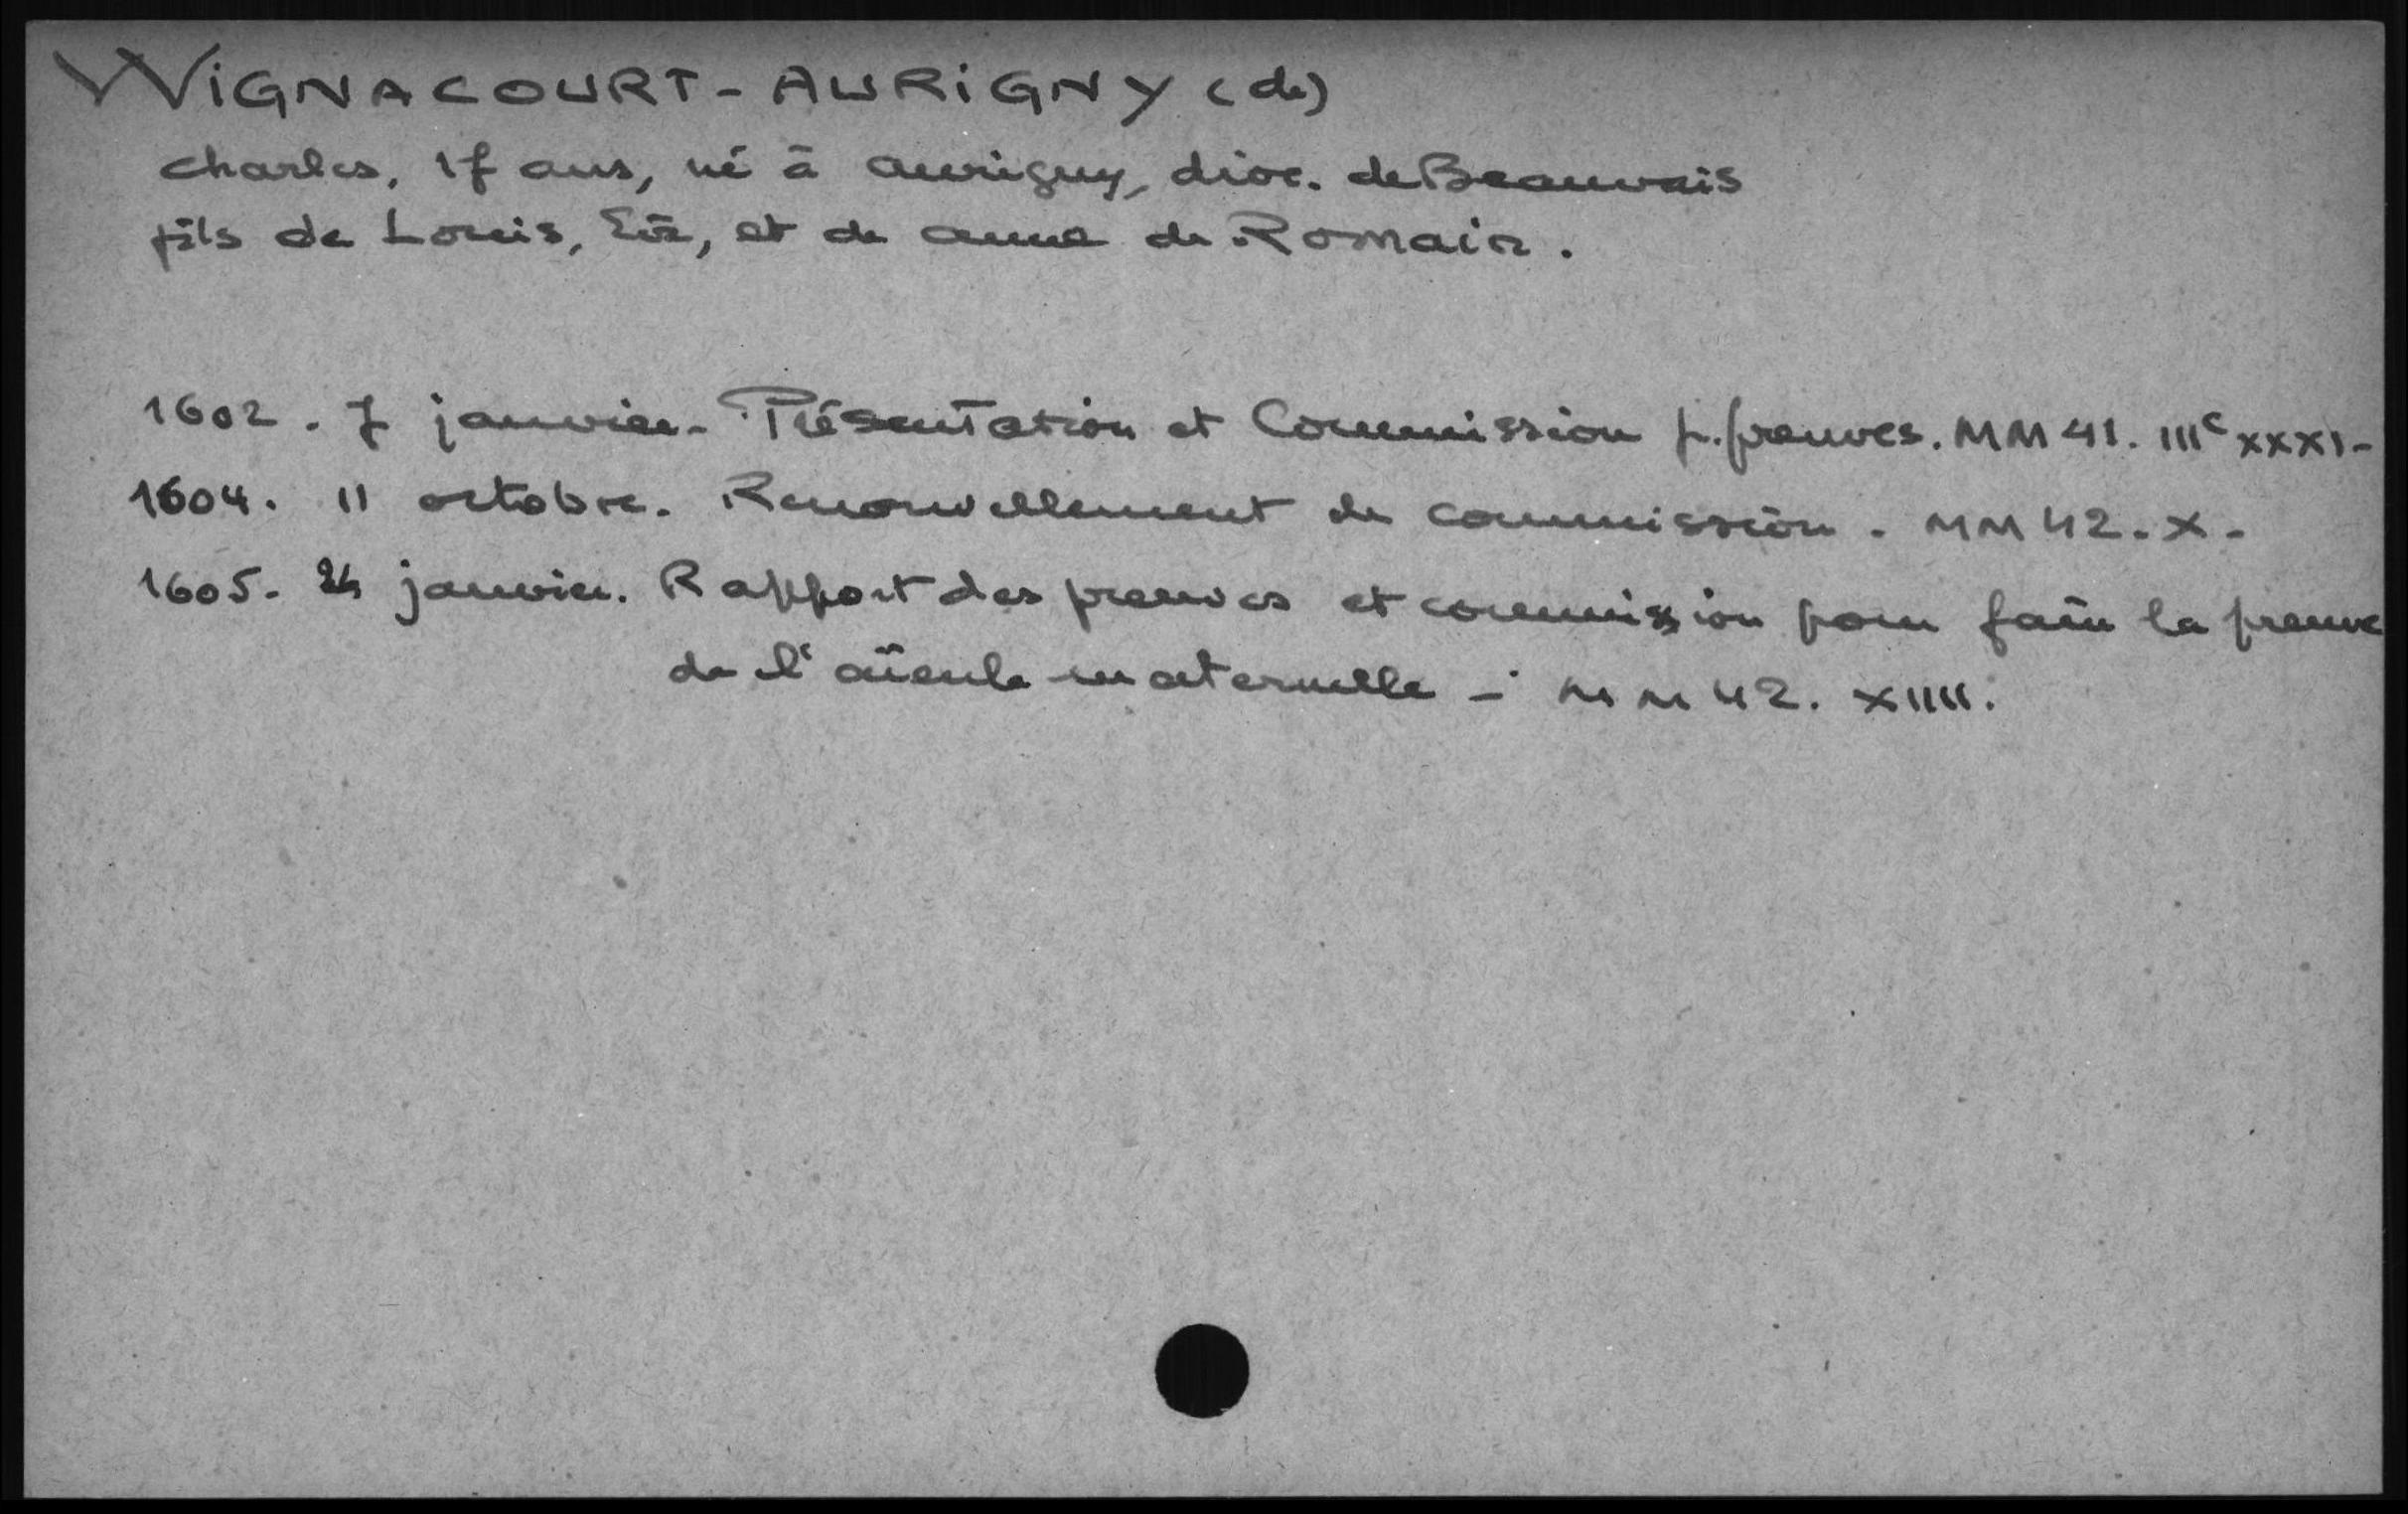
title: WIGNACOURT-AURIGNY (de) charles, 17 ans, né à Aurigny, diocèse de Beauvais fils de Louisn écuyer, et de Anne de Romain
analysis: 1602, 7 janvier. Présentation et commission pour preuves. MM 41, XXXC XXXI. 1604, 11 octobre. Renouvellement de commission. MM 42, X. 1605, 24 janvier. Rapport des preuves et commission pour faire la preuve de l'aïeule maternelle. MM 42, XIIII.
